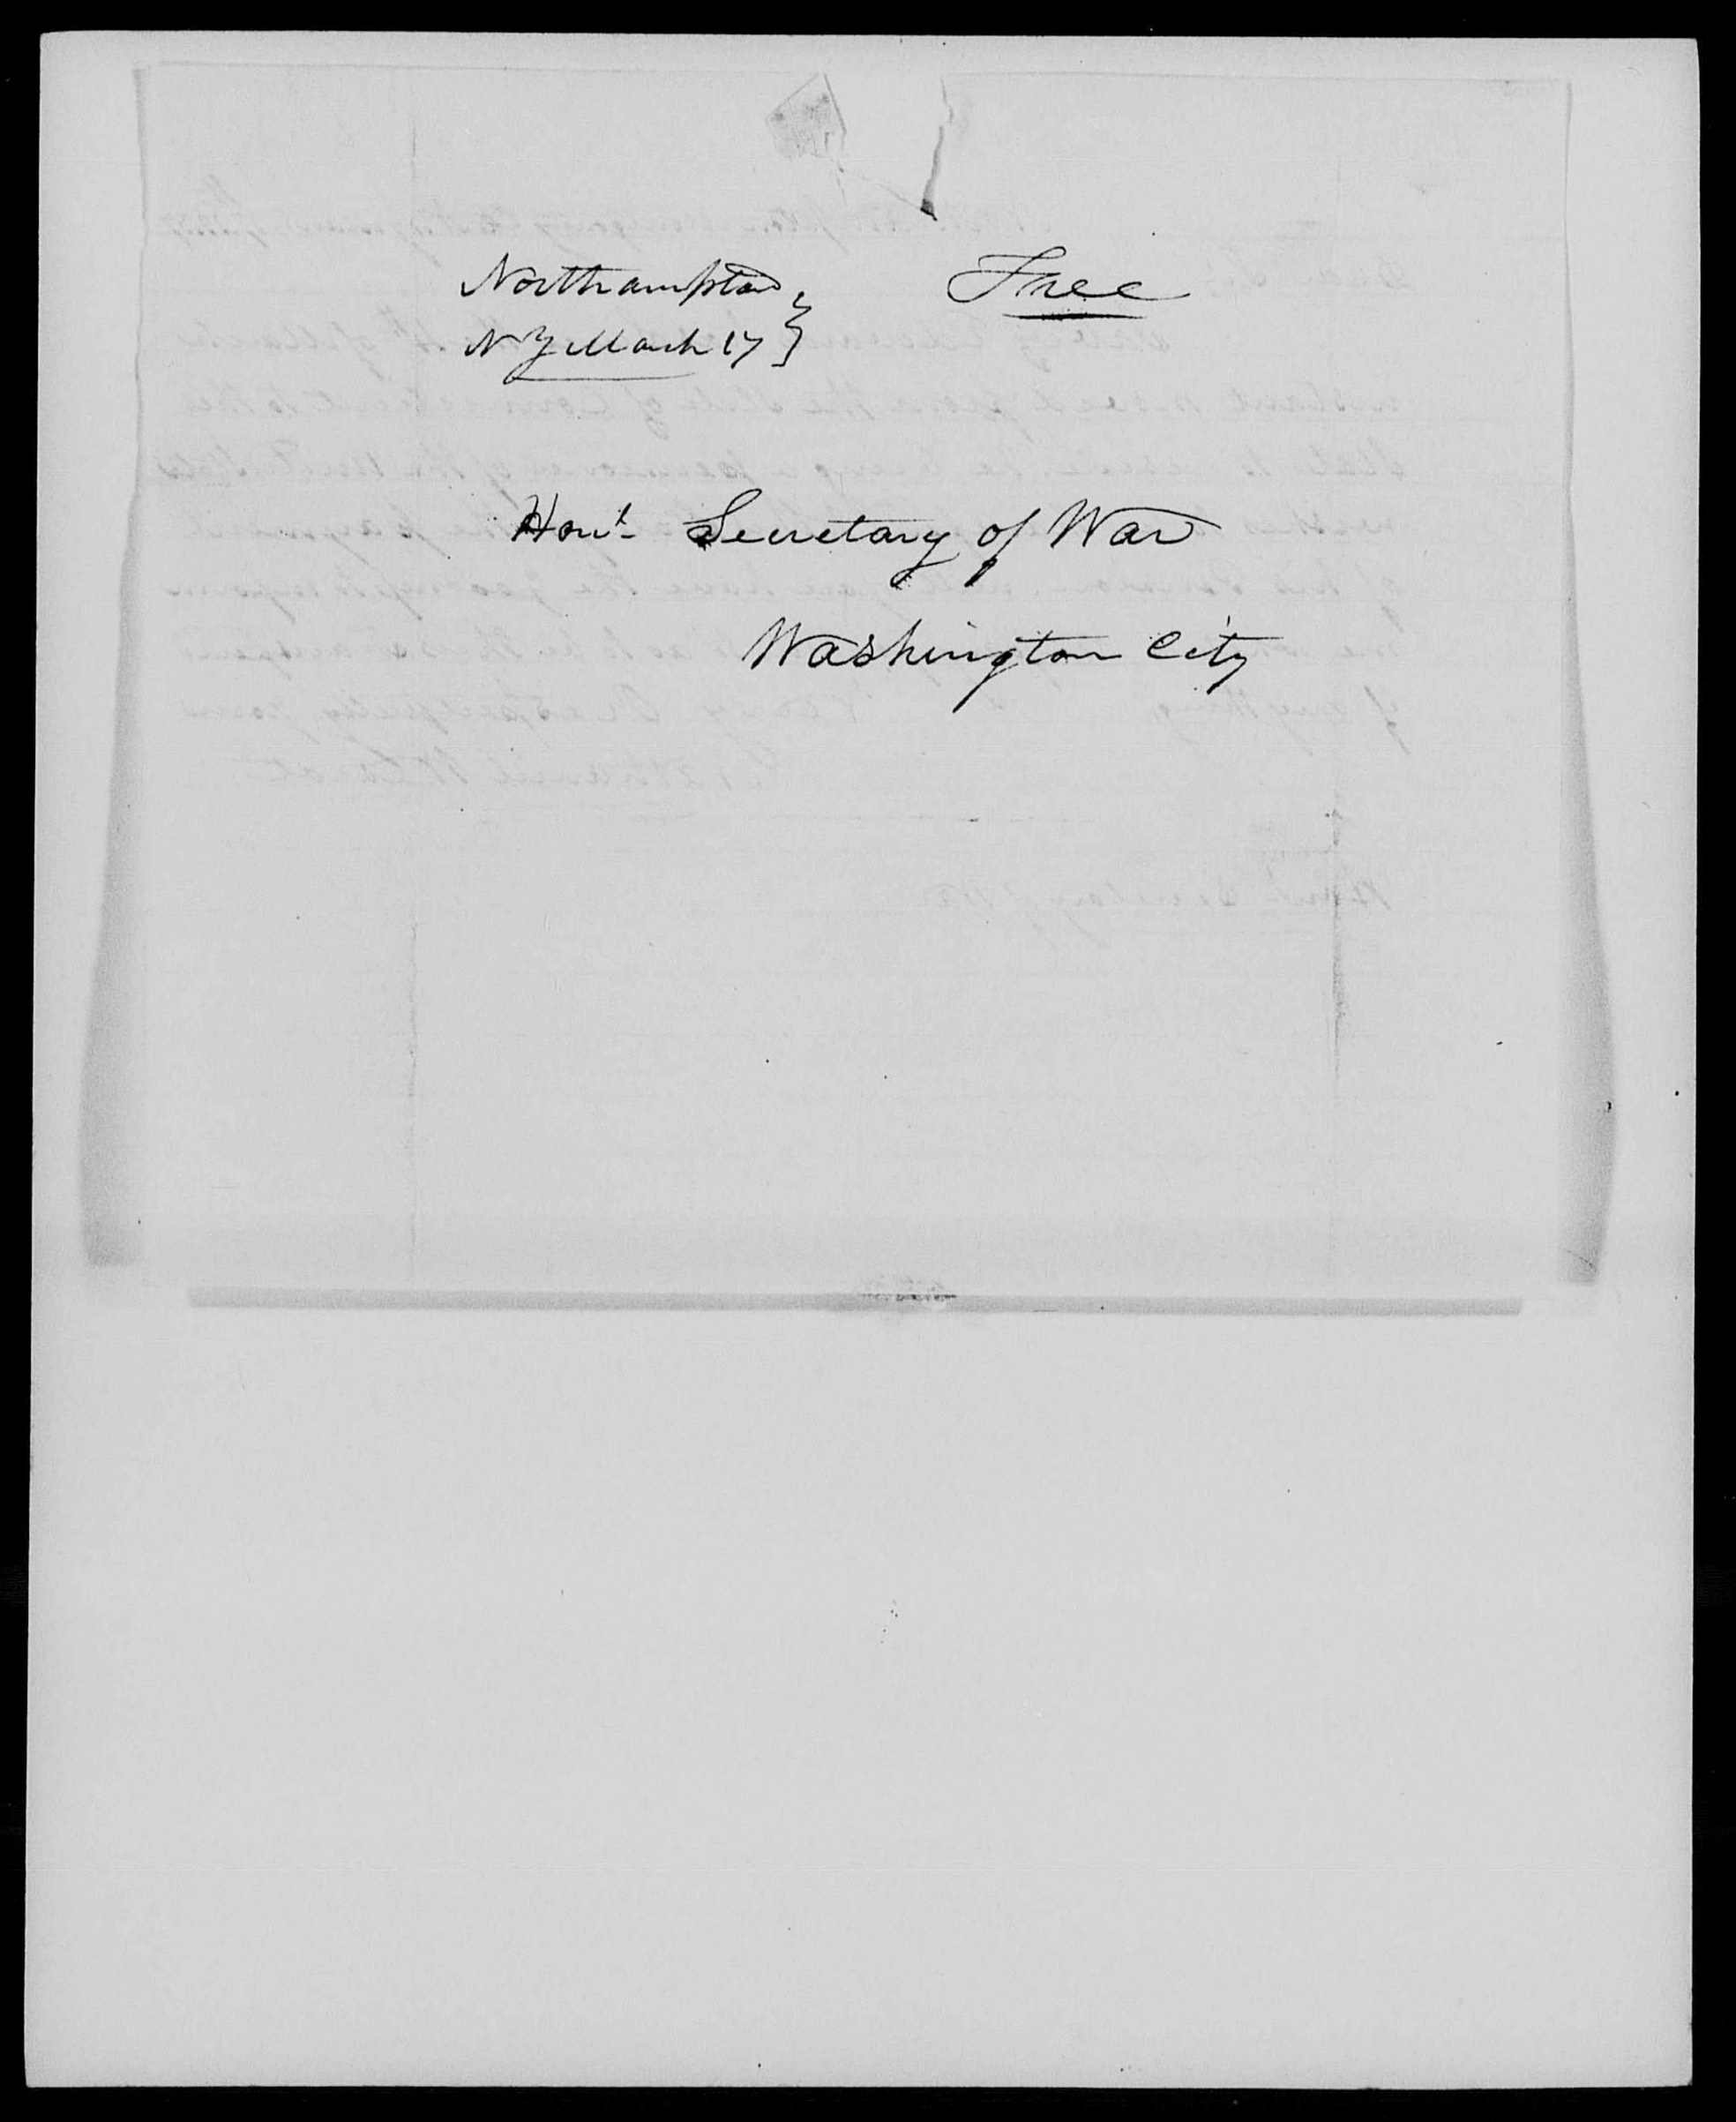Northampton
NY March 17
FREE

Honorable Secretary of War
Washington City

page: 33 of 50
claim: survivor's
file: S 10607, Jabez Edwards, Conn.